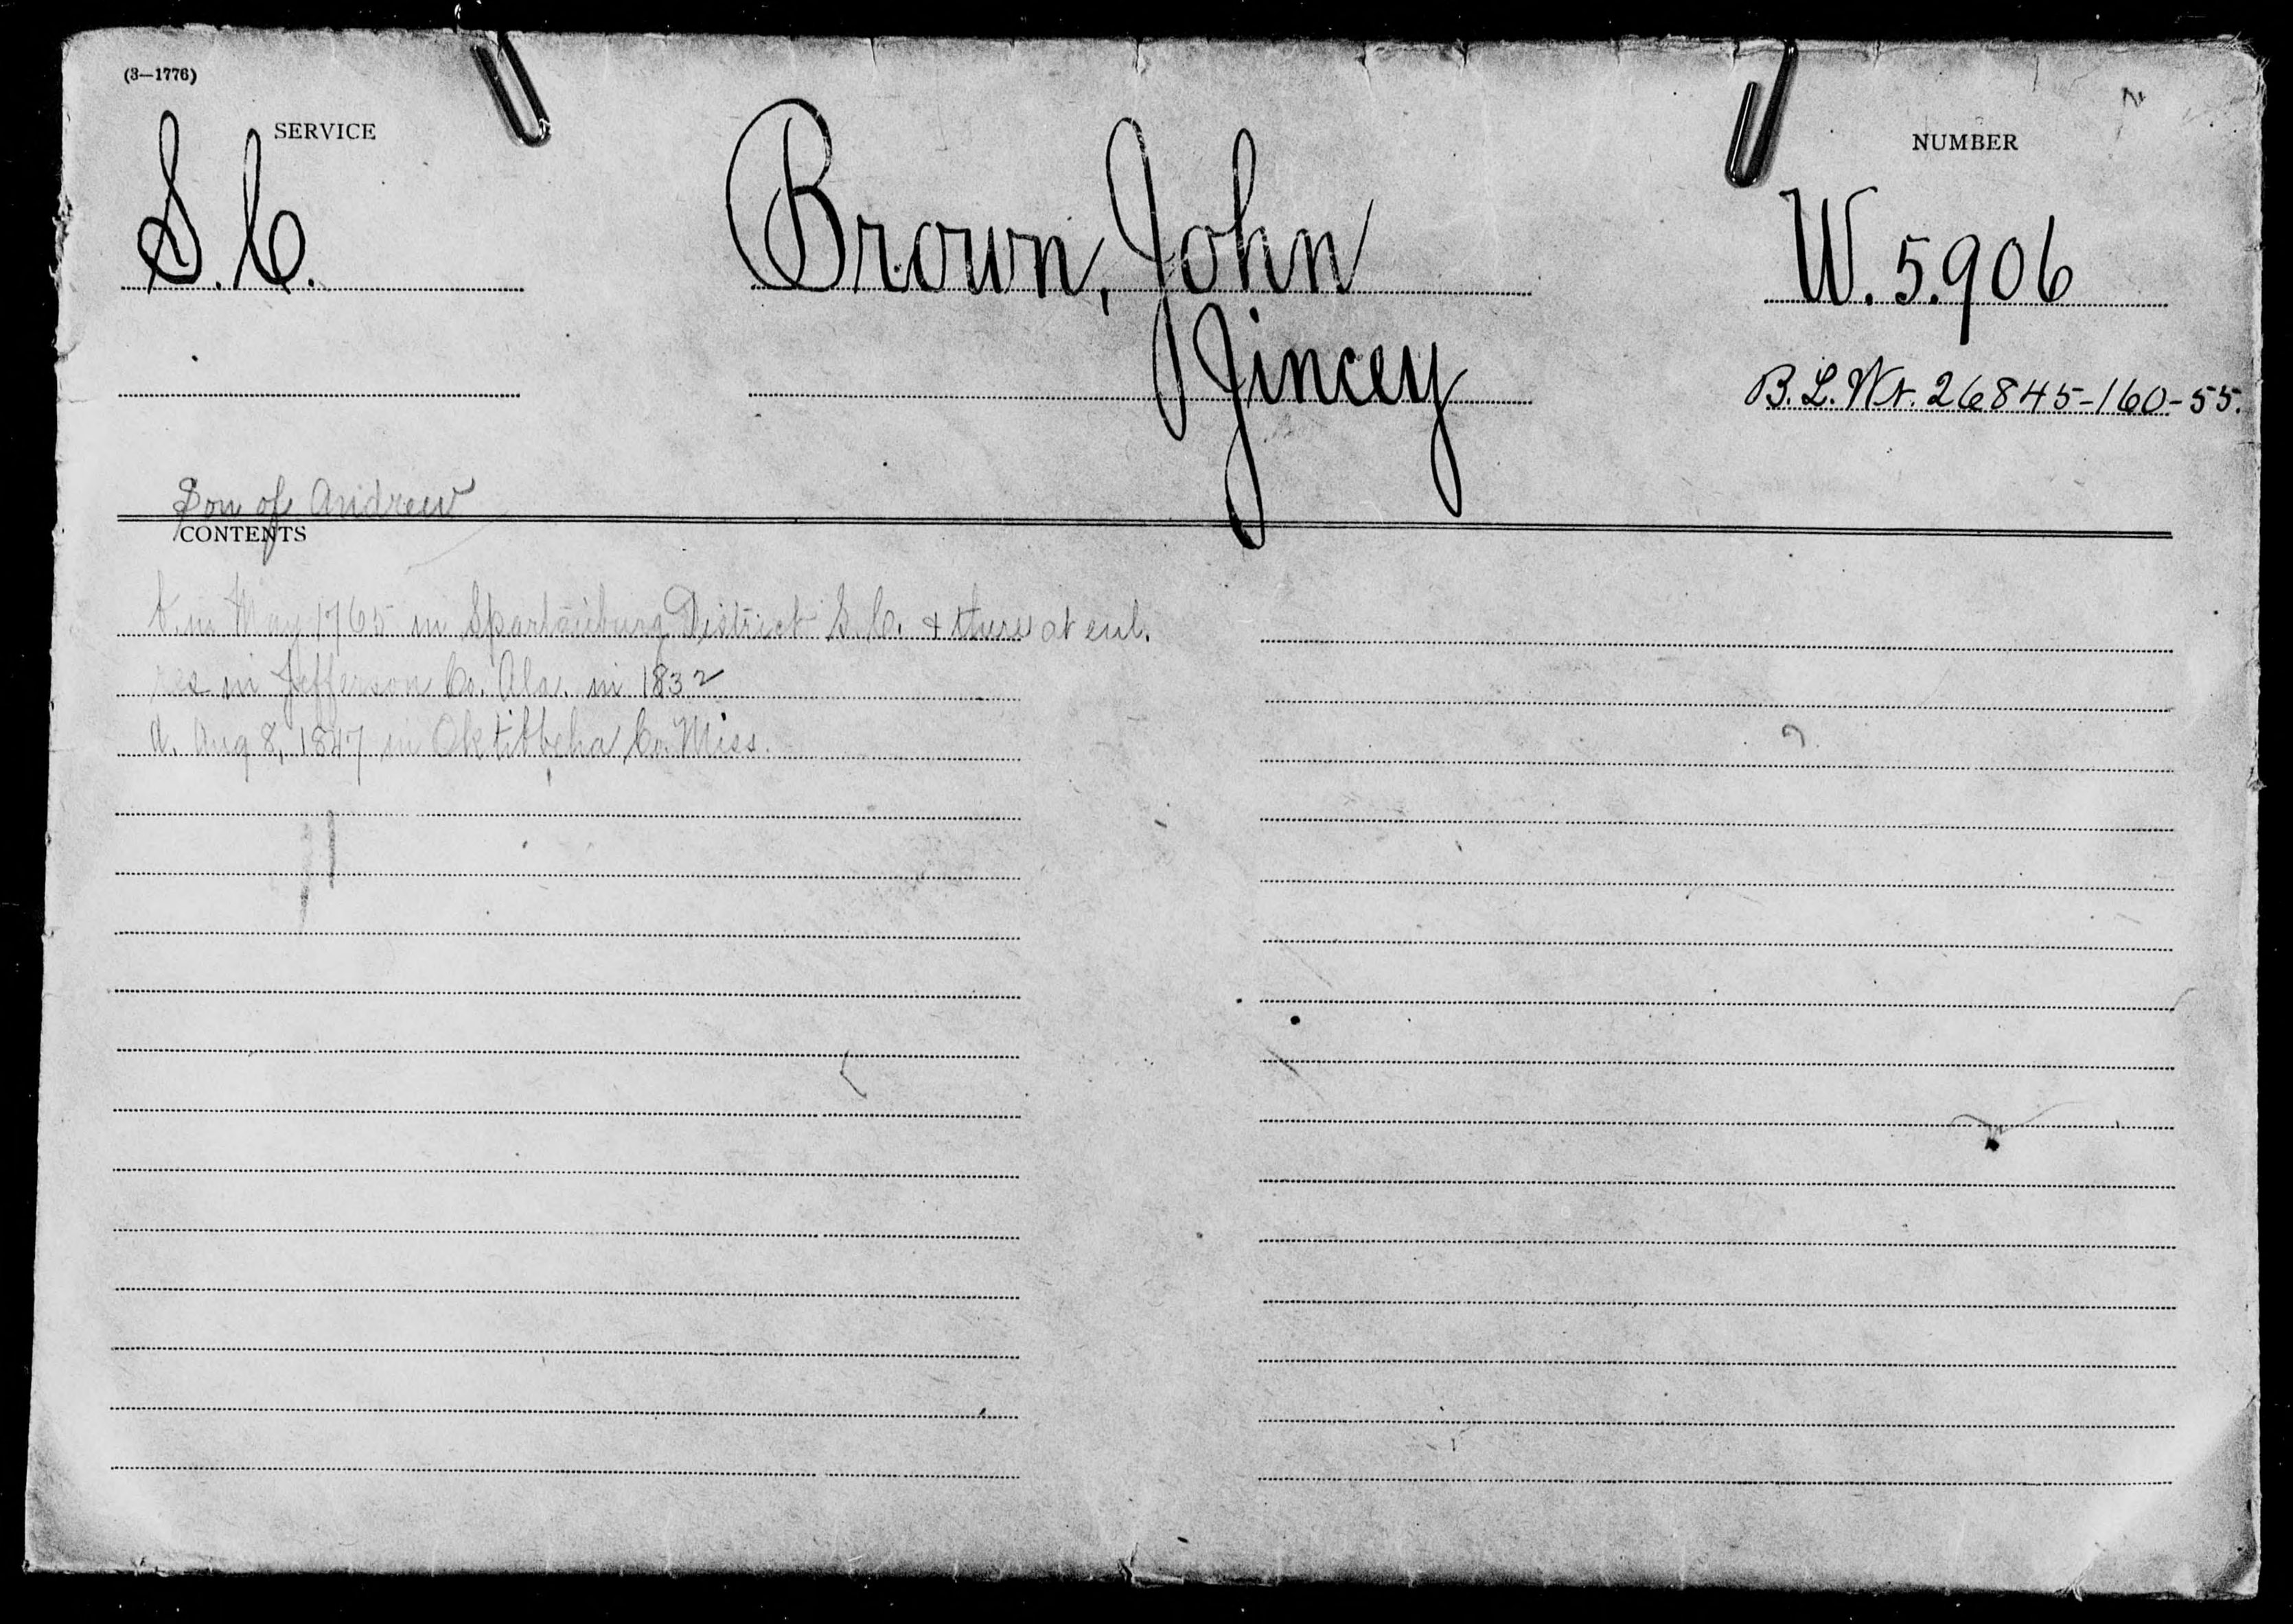(8-1776)
SERVICE   S.C.  
Brown, John.                         
Jincey                                                  NUMBER    W. 5.906
 B.L.Wt 26845-160-55
CONTENTS
Son of Andrew
B. in May 1765 in Spartanburg District, S.C. & there at Enl.
Res in Jeffrson Co. Ala. in 1832
D. Aug 8, 1847 in Oktibbeha Co. Miss.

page: 1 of 85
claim: widow's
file: W. 5,906, John Brown, S.C.